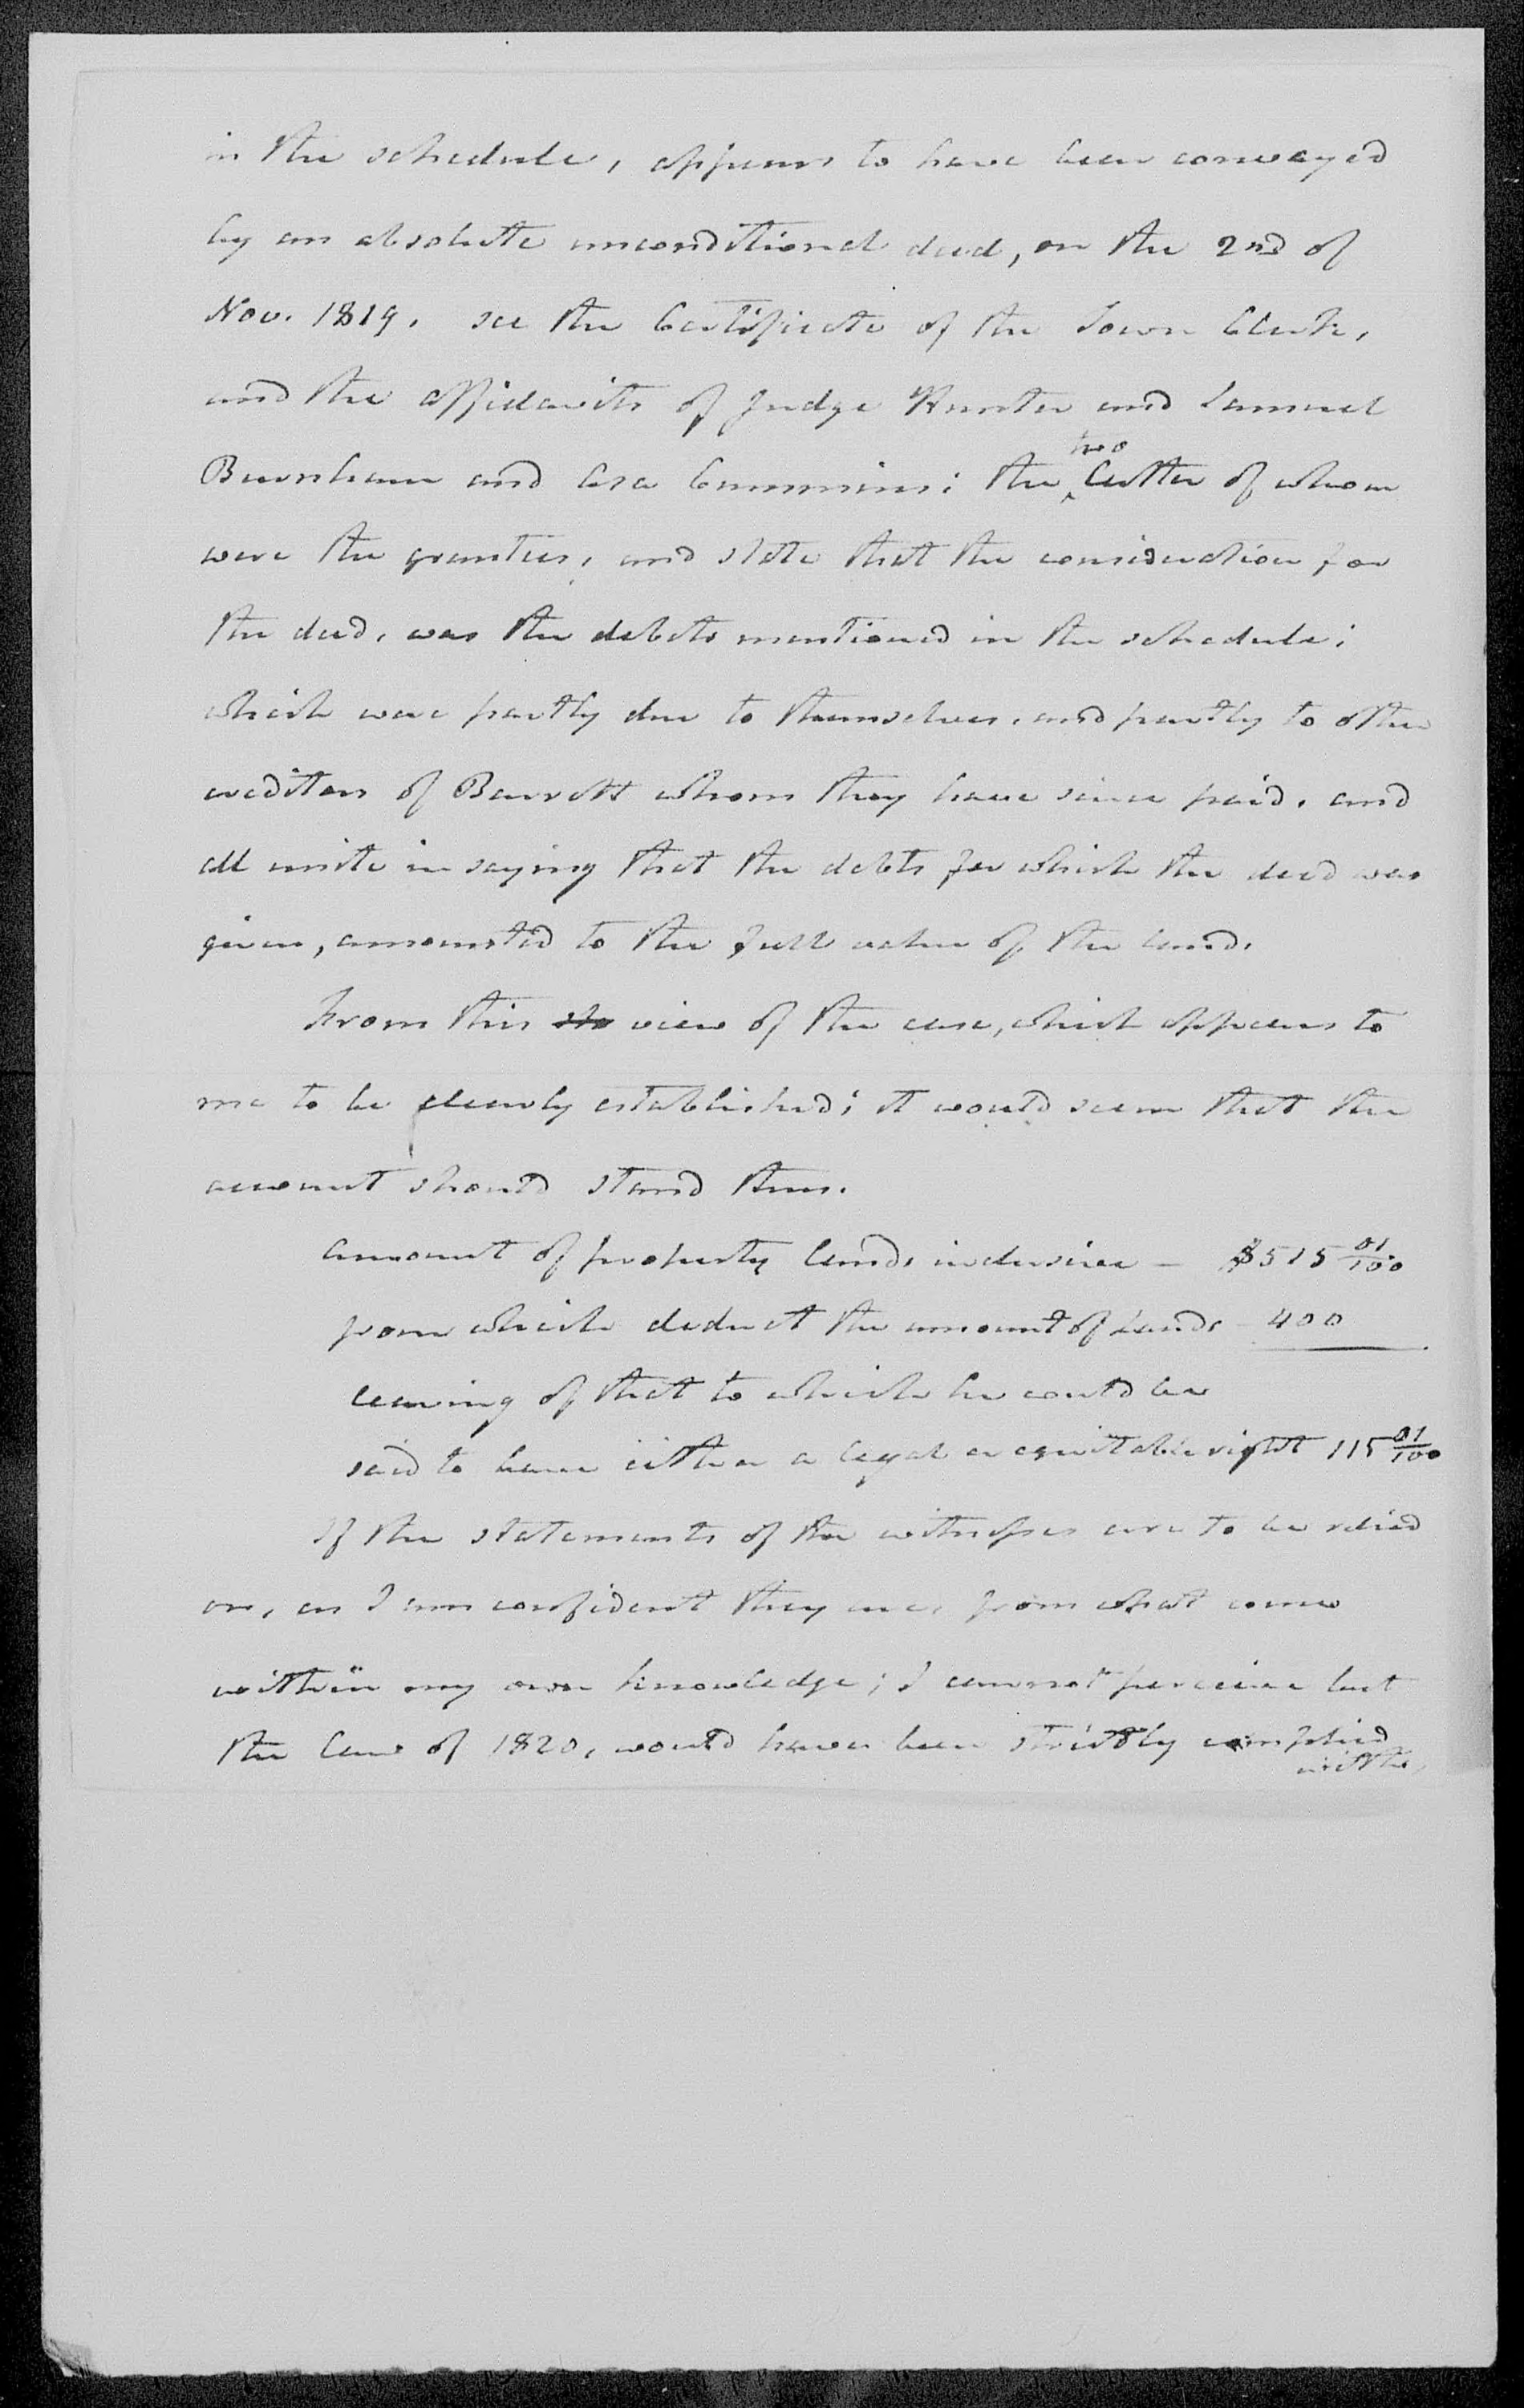in the schedule, appears to have been conveyed by an absolute unconstitutional deed, on the 2nd of Nov. 1819 on the certificate of the Town Clerk and the affidavit of Judge Hunter and Samuel Burnham and Asa Cummings the two latter of whom were the granties and state that the consideration for the deed, was the debts mentioned in the schedule which were partly due to themselves and partly to other creditors of Barrett whom they have since paid, and all write in saying that the debts for which the deed was given, amounted to the full amount of the land.
From this view of the case, which appears to me to be clearly established; it would seem that the account should stand there.
Amount of property lands in otherwise  from which deduct the amount of lands leaving of that to which he could be said to have within a legal or equitable right of the statements of the witnesses are to be relied on as I am confident they are from what sources within my own knowledge; I cannot perceive but the law of 1820 would have been strictly complied with the 

$515 01/100
400
115 01/100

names: Hunter, Ara Cummins, Barrett, Samuel Burnham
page: 46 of 83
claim: widow's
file: W. 10,384, Oliver Barrett, Continental (Vt.) N.Y.